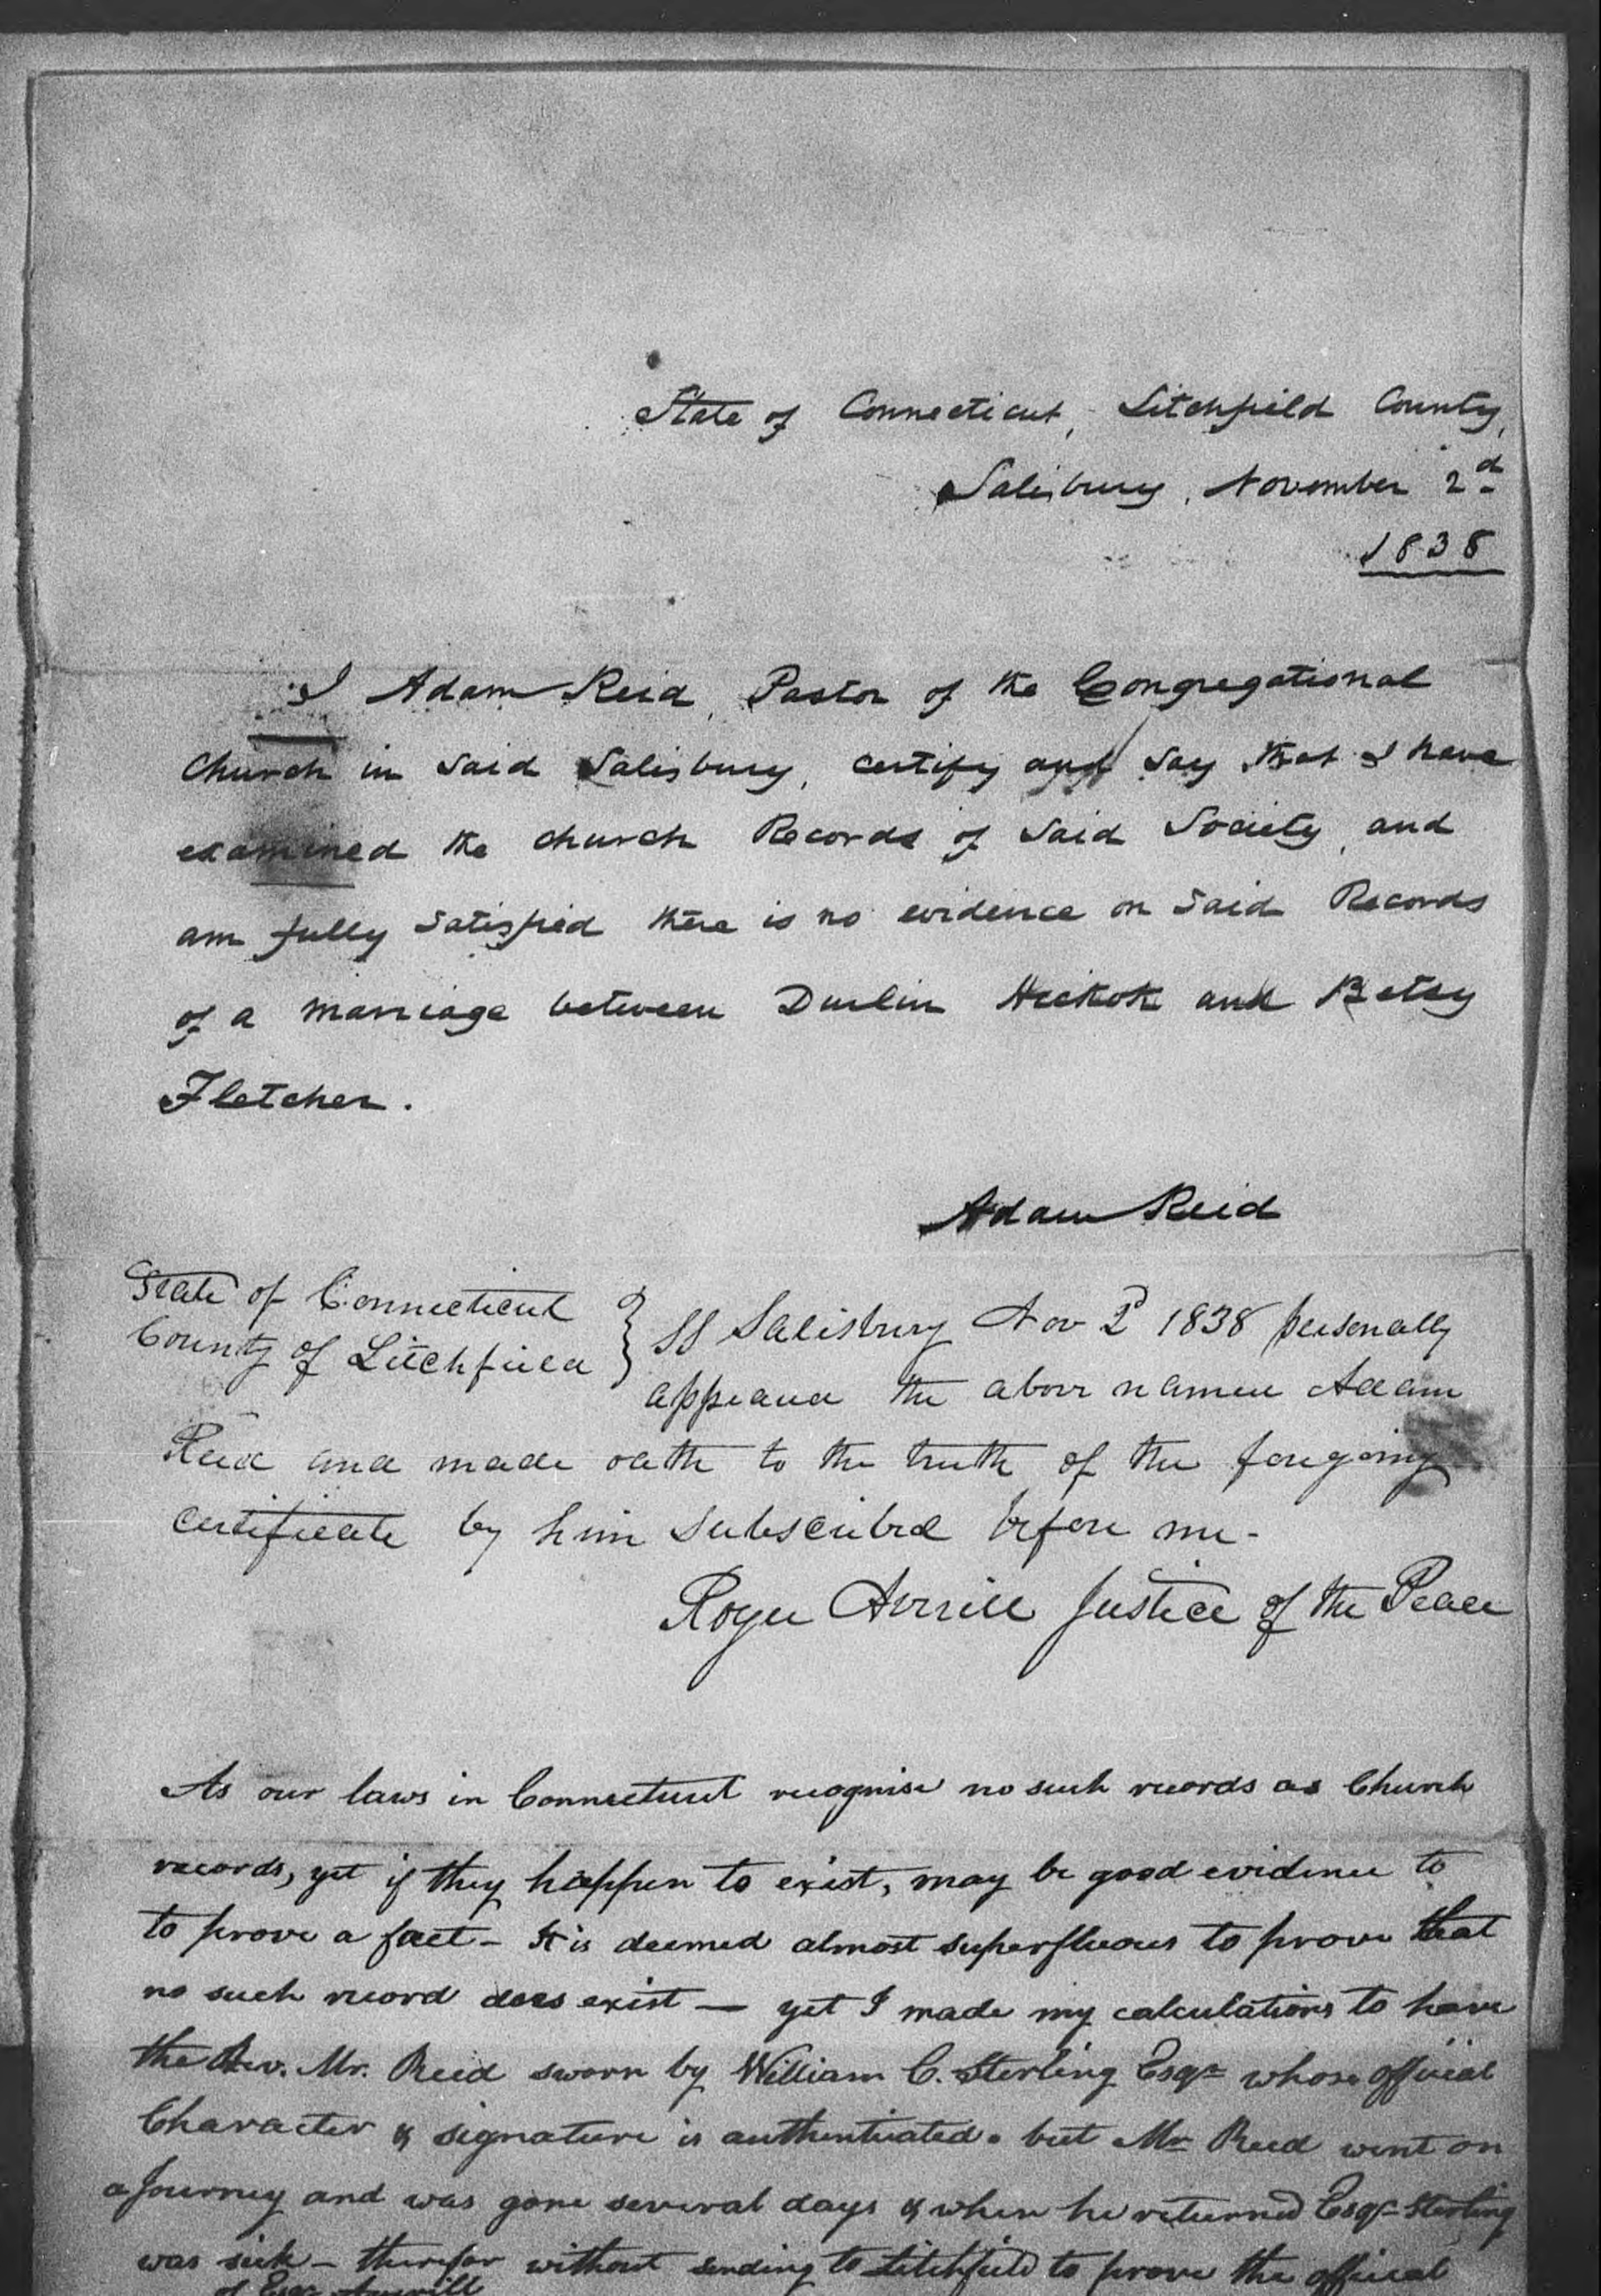State of Connecticut, Litchfield County
Salisbury, November 2nd, 1838

I Adam Reid, Pastor of the Congregational Church in said Salisbury, certify and say that I have examined the church records of Said Society, and am fully satisfied there is no evidence on said Records of a marriage between Durlin Hickok and Betsy Fletcher.

[signature] Adam Reid

State of Connecticut}
County of Litchfield} SS
Salisbury Nov 2nd 1838 personally appeared the above named Adam Reid and made oath to the truth of the foregoing certificate by him subscribed before me

[signature] Royce Averill, Justice of the Peace

As our laws in Connecticut recognize no such records as Church records, yet if they happen to exist, may be good evidence to prove a fact - it is deemed almost superfluous to prove that no such record does exist -- yet I made my calculations to have the Rev. Mr. Reid sworn by William C. Sterling Esq whose official Character & signature is authenticated. but Mr. Reid went on a Journey and was gone several days & when he returned Esqr Sterling was sick-therefor (sic) without sending to Litchfield to prove the official of Esqr. Averill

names: Reid, Adam Reid, Adam Reid, Reid, Adam Reid, Royce Averill, William C Sterling, Sterling, Betsy Fletcher, Durlin Hickok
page: 29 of 45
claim: widow's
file: W. 4988, Durlin Hickok, Mass.